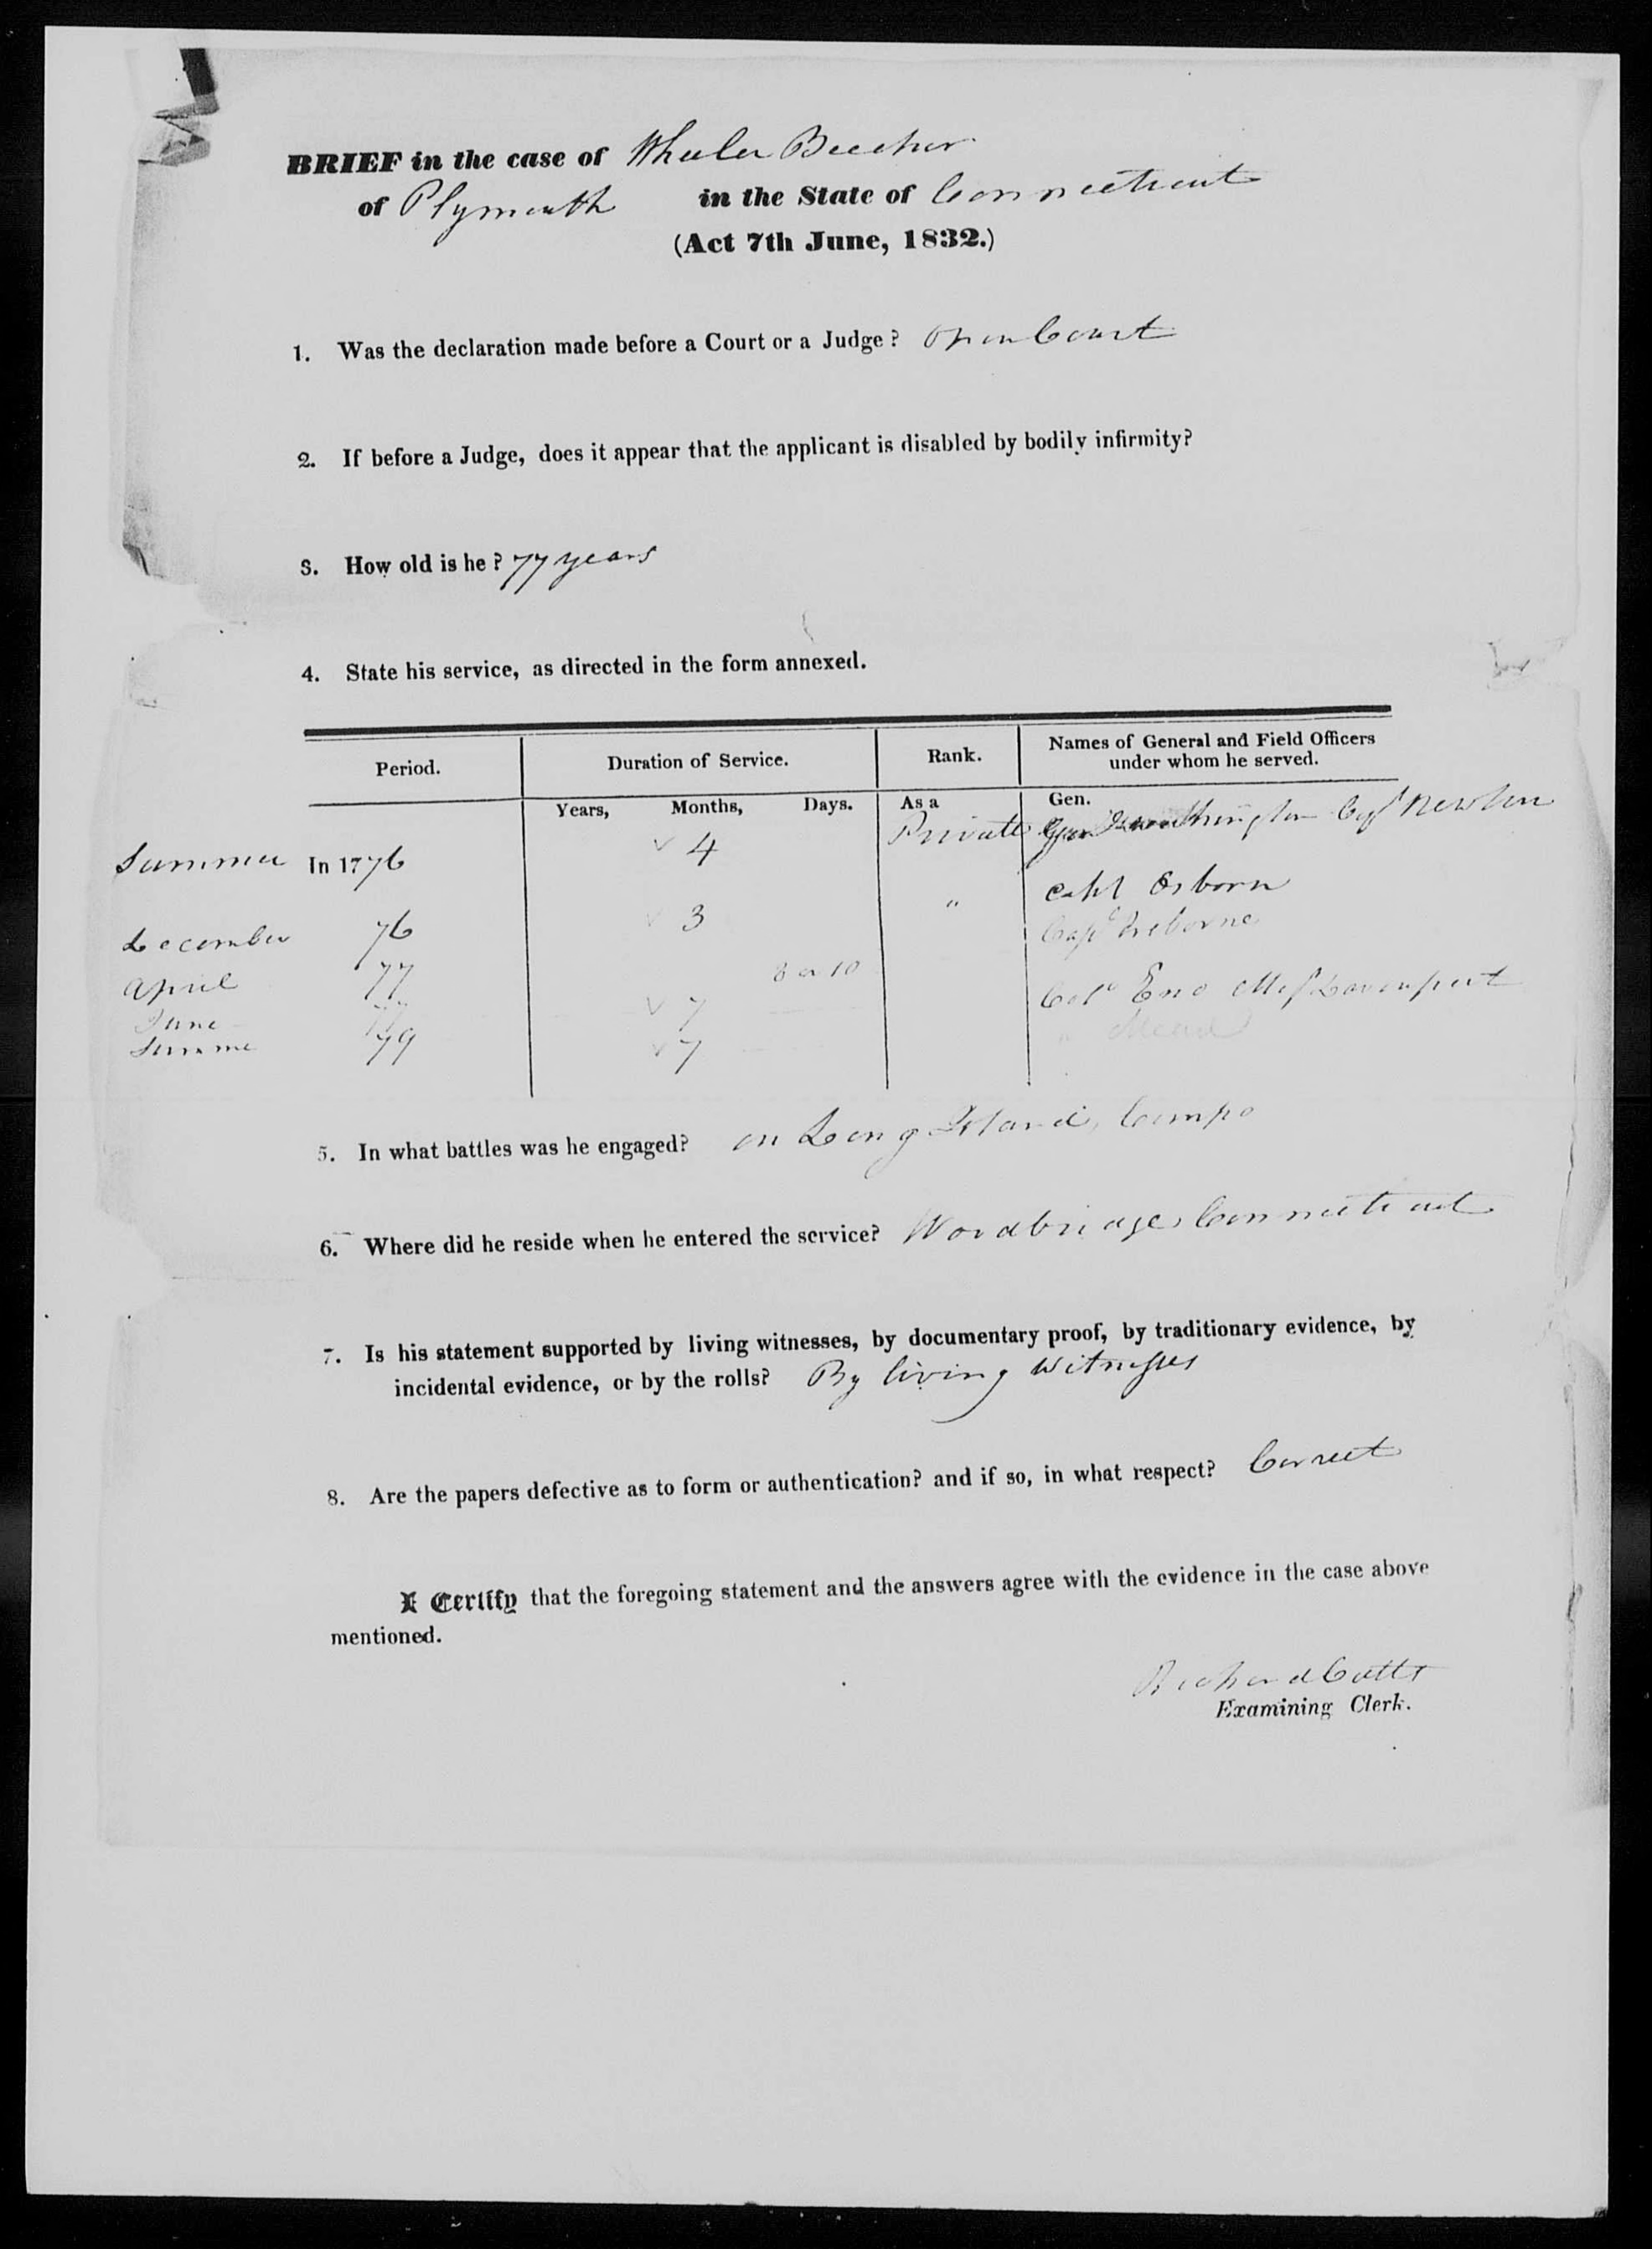Brief in the case of Wheeler Beecher
of Plymouth in the State of Connecticut
(Act 7th June, 1832.)
1. Was the declaration made before a Court or a Judge?  open Court
2. If before a Judge, does it appear that the applicant is disabled by bodily infirmity?
3. How old is he? 77 years
4. State his service, as directed in the form annexed.
Period. /   Duration of Service. Years, Months, Days.  / Rank.   / Names of General and Field Officers under whom he served.
Summer in 1776 / 4 months / Private /  General George Washington Col. Newton
December 76 / 3 months /   "   / Capt Osborn
April 77  /  8 or 10 Days. /  / Capt Osborn
June 77 /   7 Months. /   / Col Eno M Davenport
Summer  79 / 7 Months. /   / Col Mead
5. In what battles was he engaged?  on Long Island, Compo
6. Where did he reside when he entered the service?  Woodbridge Connecticut
7. Is his statement supported by living witnesses, by documentary proof, by traditionary evidence, by incidental evidence, or by the rolls?  By living Witnesses
8. Are the papers defective as to form or authentication? and if so, in what respect?  Correct

I Certify that the foregoing statement and the answers agree with the evidence in the case above mentioned.
Richard Cutts
Examining Clerk.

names: Osborn, Newton, Washington, Richard Cutts, Wheeler Beecher, Eno M Davenport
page: 10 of 21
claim: survivor's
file: S. 14943, Wheeler Beecher, Conn.